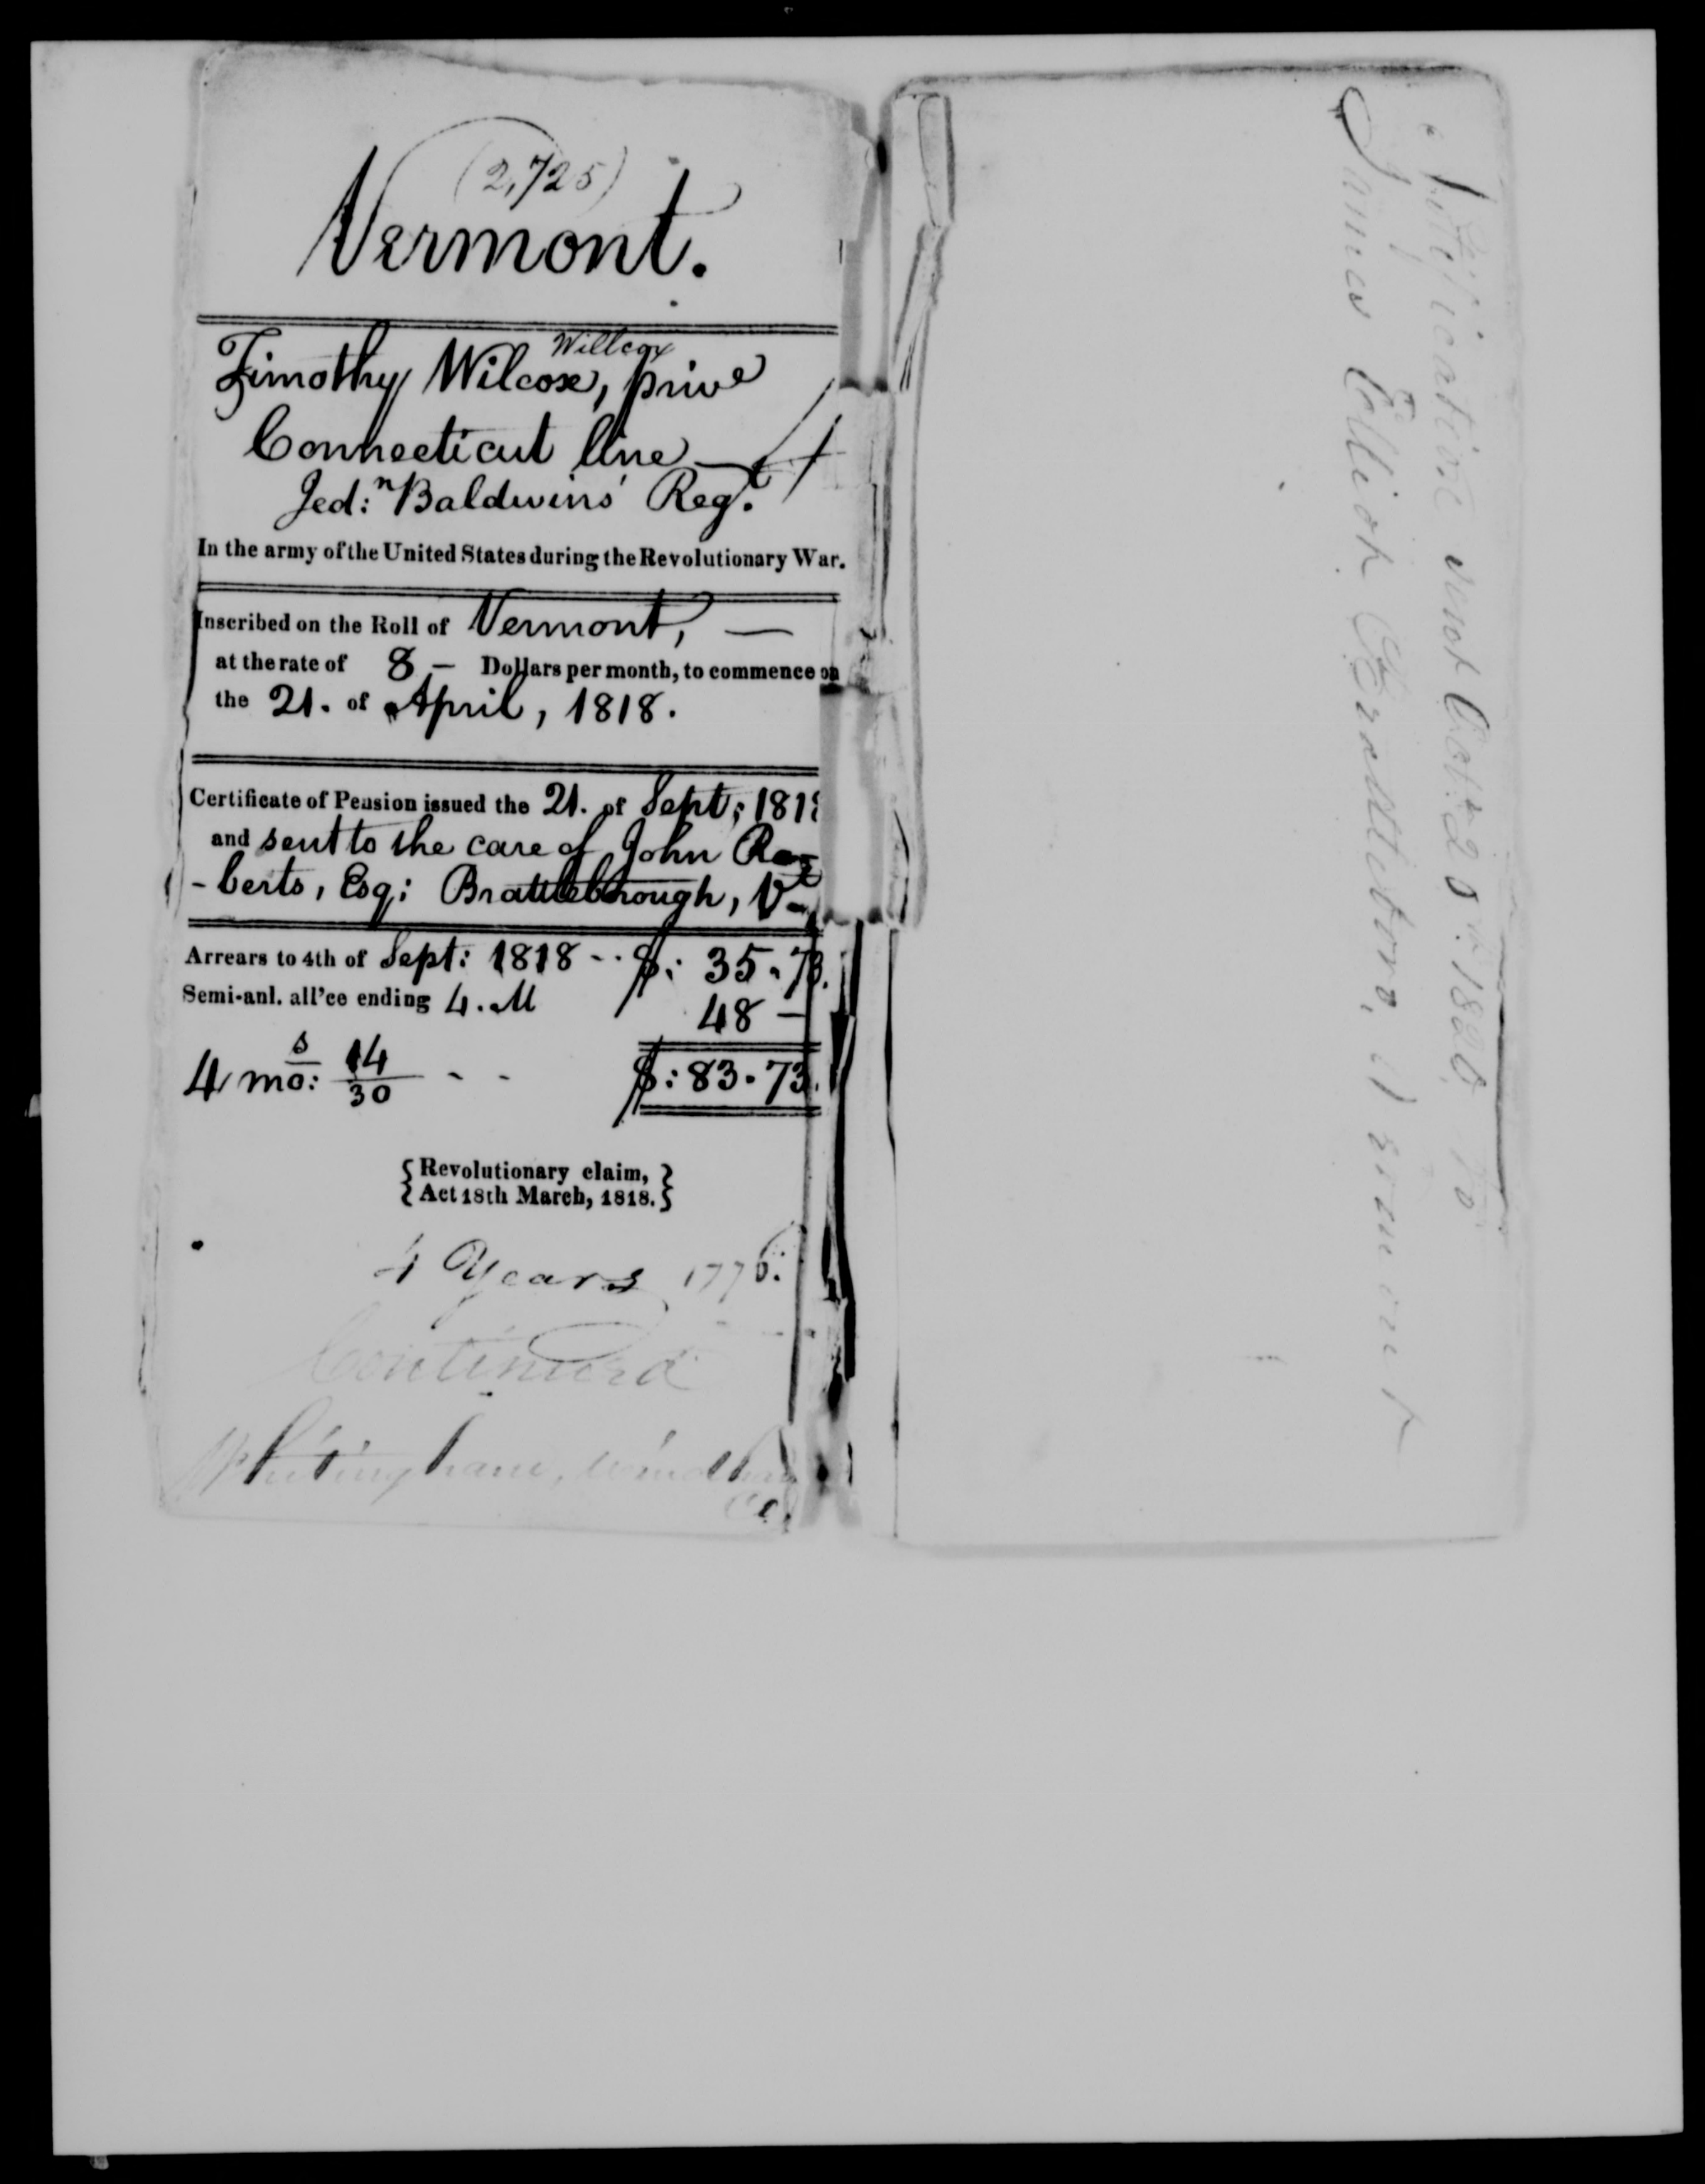(2,725)
Vermont.
Timothy Wilcox, Willcox, Priv
Connecticut line
Jed Baldwins Regt
In the army of the United States during the Revolutionary War.

Inscribed on the Roll of Vermont,
at the rate of 8 Dollars per month, to comme
the 21 of April, 1818

Certificate of Pension issued the 11 of Sept 1818
and sent to the care of John Ro
berts, Esq: Brattleborough, VT

Arrears to 4th of Sept. 1818- $35.73
Semi-anl. all'ce ending 4 M  48-
4 mo. 14/30   483.73

{ Revolutionary claim,
Act 18th March, 1818.}

4 years 1776.
Continued
Whitingham, [illegible]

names: Timothy Wilcox, James Elliot, John Roberts, Timothy Willcox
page: 2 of 15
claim: survivor's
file: S. 41336, Timothy Willcox, Conn. Continental